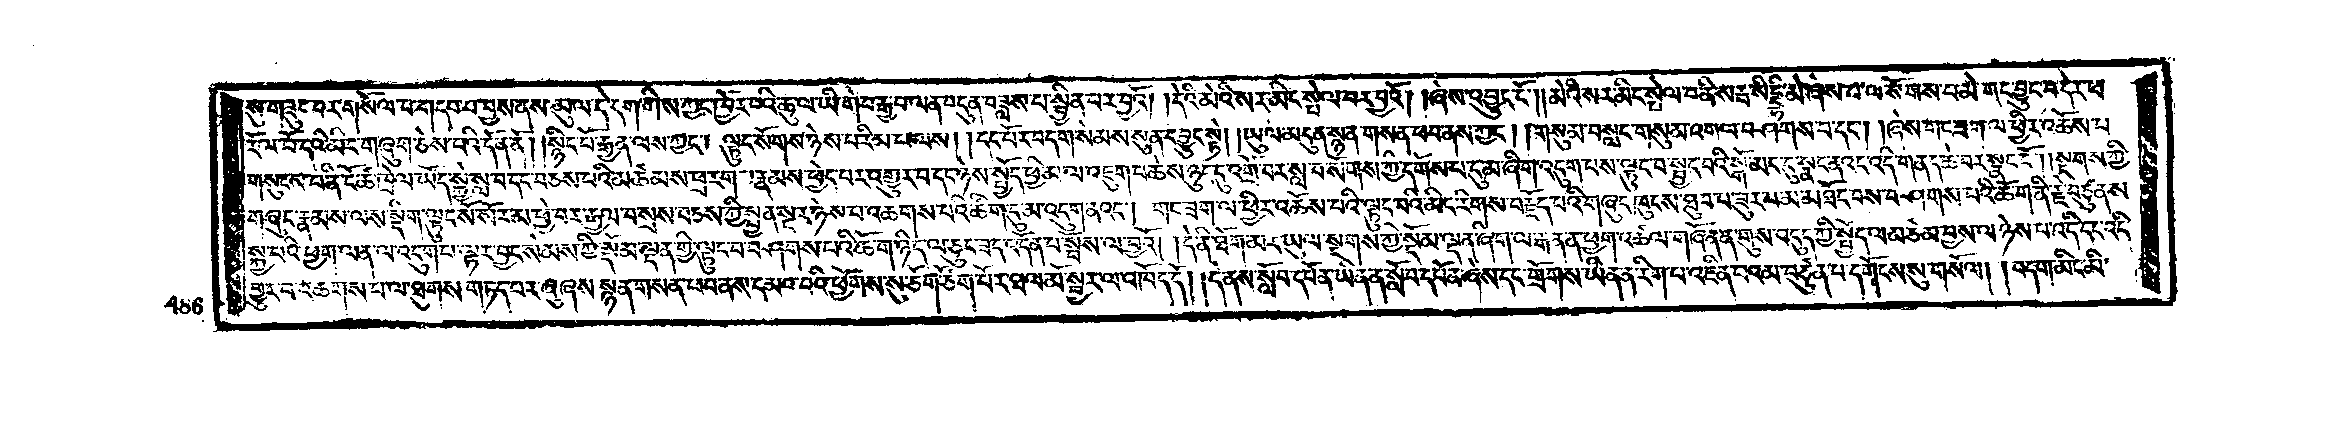སུ་གཟུང་བར་གསོལ་བ་གདབ་པ་བྱས་ནས་མུལ་དེ་དག་གིས་ཀྱང་ཁྱོད་བའི་ཆུ་ལ་ཡི་གེ་བ་རྒྱ་བ་ལན་བདུན་བཟླས་པ་སྦྱིན་པར་བྱའོ། །དེའི་མེའི་སར་མིང་སྤེལ་བར་བྱའོ། །ཞེས་འབྱུང་ངོ། །མེའི་སར་མིང་སྤེལ་བ་ནི་སརྦ་སིདྡྷི་མེ་ཞེས་པ་ལ་སོགས་པ་མེ་གང་བྱུང་བ་དེར་ཕ་
རོལ་བོ་དའི་མིང་གཞུག་ཅེས་པའི་དོན་ནོ། །སྙིང་པོ་རྒྱན་ལས་ཀྱང་། ལྟུང་སོགས་ཉེས་པ་རིམ་པ་ལས། །དང་པོར་བདག་སེམས་སུན་དབྱུང་སྟེ། །ཡུལ་མདུན་སྙན་གསན་ཕབ་ནས་ཀྱང་། །གསུམ་བསླང་གསུམ་འགལ་བཤགས་པ་དང་། །ཞེས་གང་ཟག་ལ་ཕྱིར་འཆོས་པ་
གསུངས་པ་ནི་ངོ་ཚ་ཁྲེལ་ཡོད་སྐྱེ་སླ་བ་དང་བཅས་པའི་མཚམས་ཕྲ་རག་པ་རྣམས་ཕྱེད་པར་འགྱུར་བ་དང་ཉེས་སྤྱོད་ཕྱི་མ་ལ་འཇུག་པ་ཆེས་ཉུང་དུ་འགྲོ་བར་སླ་བ་སོགས་ཀྱི་དགོས་པ་དུ་མ་ཞིག་འདུག་པས་ལྟུང་བ་སྦྱང་བའི་སྒོ་མང་དུ་སྣང་ནའང་འདི་གནད་ཆེ་བར་སྣང་ངོ། །སྔགས་ཀྱི་
གཞུང་རྣམས་ལས་སྡིག་ལྟུང་སོ་སོར་མ་ཕྱེ་བར་རྒྱལ་བ་སྲས་བཅས་ཀྱི་སྤྱན་སྔར་ཉེས་པ་འཆགས་པའི་ཚིག་དུ་མ་འདུག་ནའང་། གང་ཟག་ལ་ཕྱིར་འཆོས་པའི་ལྟུང་བའི་མིང་རིགས་བརྗོད་པའི་གཞུང་ཁུངས་ཐུབ་པ་ཟུར་པ་མ་མཐོང་བས་བཤགས་པའི་ཚིག་ནི་རྗེ་བཙུན་ས་
སྐྱ་པའི་ཕྱག་ལན་ལ་འདུག་པ་ལྟར་བྱང་སེམས་ཀྱི་སྡོམ་ལྡན་གྱི་ལྟུང་བ་བཤགས་པའི་ཆོ་ག་ཉིད་ལ་ཅུང་ཟད་འདོན་པ་སྤོས་ལ་བྱའོ། །དེ་ནི་ཐོག་མར་ཡུལ་སྔགས་ཀྱི་སྡོམ་ལྡན་ཞིག་ལ་རྒན་ན་ཕྱག་འཚལ་གཞོན་ན་གུས་བདུད་ཀྱི་སྤྱོད་ལམ་ཙམ་བྱས་ལ་ཉེས་པ་འདི་དང་འདི་
གྱུར་བ་འཆགས་པ་ལ་ཐུགས་གཏད་པར་ཞུ་ཞེས་སྙན་གསན་ཕབ་ནས་དམའ་བའི་ཕྱོགས་སུ་ཅོག་ཙོག་པོར་ཐལ་མོ་སྦྱར་ལ་འཁོད་དོ། །དེ་ནས་སློབ་དཔོན་ཡིན་ན་སློབ་དཔོན་ཞེས་དང་གྲོགས་ཡིན་ན་རིག་པ་འཛིན་པའམ་བཙུན་པ་དགོངས་སུ་གསོལ། །བདག་མིང་མི་